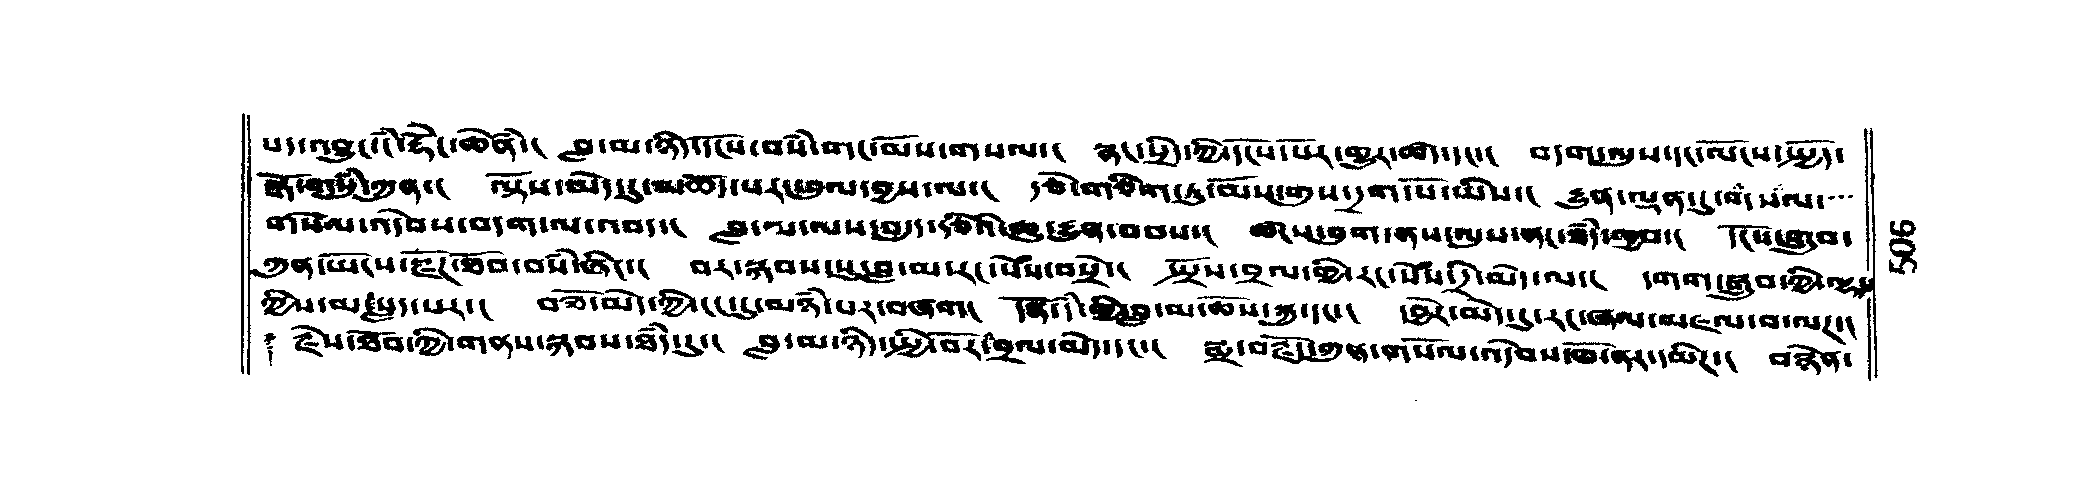།པད་འབྱུང་ངམ་རྡོ་རྗེ་འཆང་ཆེན་ནམ། །བླ་མ་ཉིད་དངོས་སམ་གང་མོས་གསལ། །སྣང་སྲིད་ཀྱི་དངོས་པོར་གྱུར་ཚད་དང་། །བདག་ལུས་དང་ལོངས་སྤྱོད་
སྒོ་གསུམ་ཀུན། །ལྟོས་མེད་དུ་མཆོད་པར་ཕུལ་བྱས་ལ། །རྩེ་གཅིག་ཏུ་མོས་གུས་དྲག་པོ་ཡིས། །རྒྱུན་ལྡན་དུ་གསོལ་
འདེབས་བདག་ལ་འབད། །བླ་མ་ལས་བདུད་རྩིའི་ཆུ་རྒྱུན་བབས། །ཚངས་བུག་ནས་ལུས་ནང་ཐམས་ཅད་ཁྱབ། །དངོས་གྲུབ་
ཀུན་ཡོངས་རྫོགས་ཐོབ་བསམ་ཞིང་། །བར་སྐབས་སུ་བླ་མ་རང་སེམས་བསྲེ། །སྤྲོས་བྲལ་གྱི་རང་སེམས་དྲི་མེད་ལ། །དགག་སྒྲུབ་ཀྱི་ལྷད་
ཀྱིས་མ་བསླད་པར། །བཟོ་མེད་ཀྱི་ངང་དུ་མཉམ་པར་བཞག །དོན་དམ་གྱི་བླ་མ་ཆོས་སྐུ་དང་། །དབྱེར་མེད་དུ་རང་ཞལ་མཇལ་བ་ལགས། །
རྗེས་ཐོབ་ཀྱི་གནས་སྐབས་ཐམས་ཅད་དུ། །བླ་མ་ཉིད་སྤྱི་བོར་འབྲལ་མེད་དང་། །སྨྲ་བརྗོད་ཀུན་གསོལ་འདེབས་ཁོ་ནར་དམིགས། །བསྙེན་